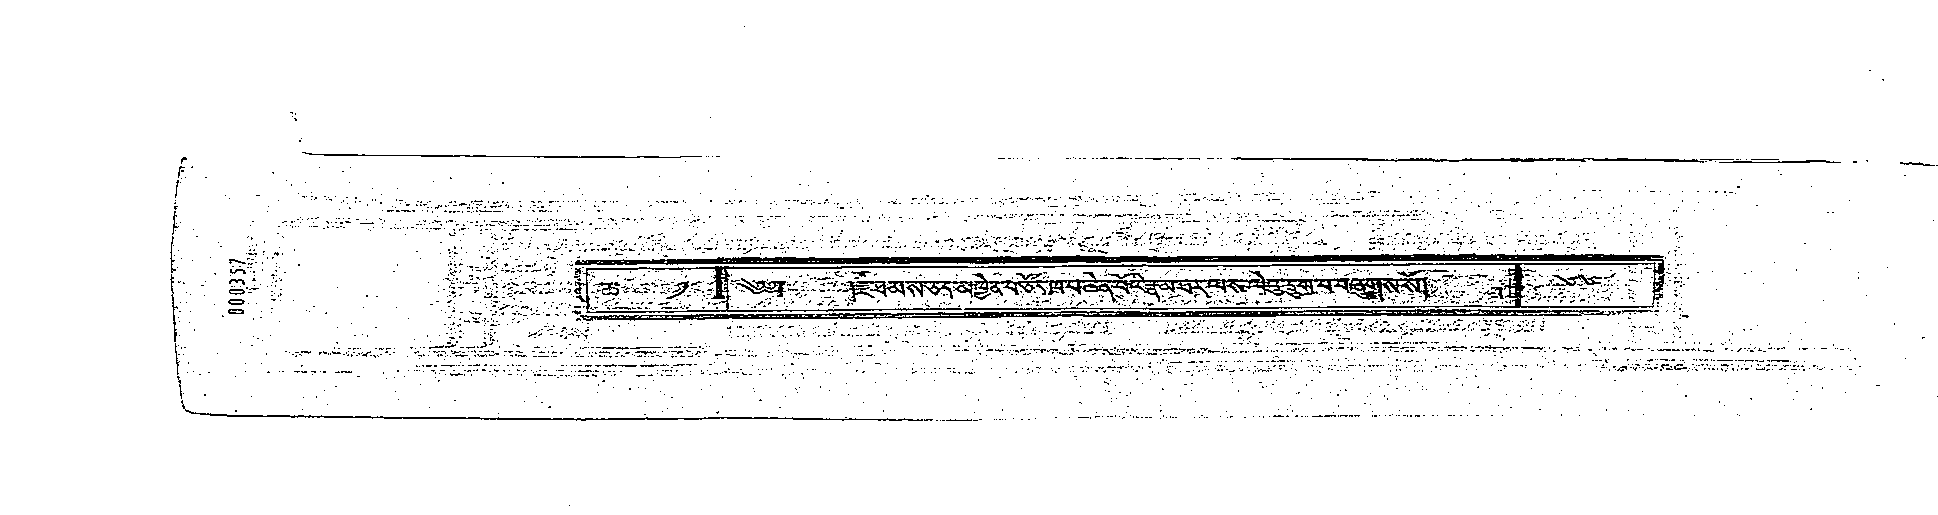ཁ ༦?
༄༅། །རྗེ་ཐམས་ཅད་མཁྱེན་པ་ཙོང་ཁ་པ་ཆེན་པོའི་རྣམ་ཐར་ལས་ལེའུ་དྲུག་པ་བཞུགས་སོ། །